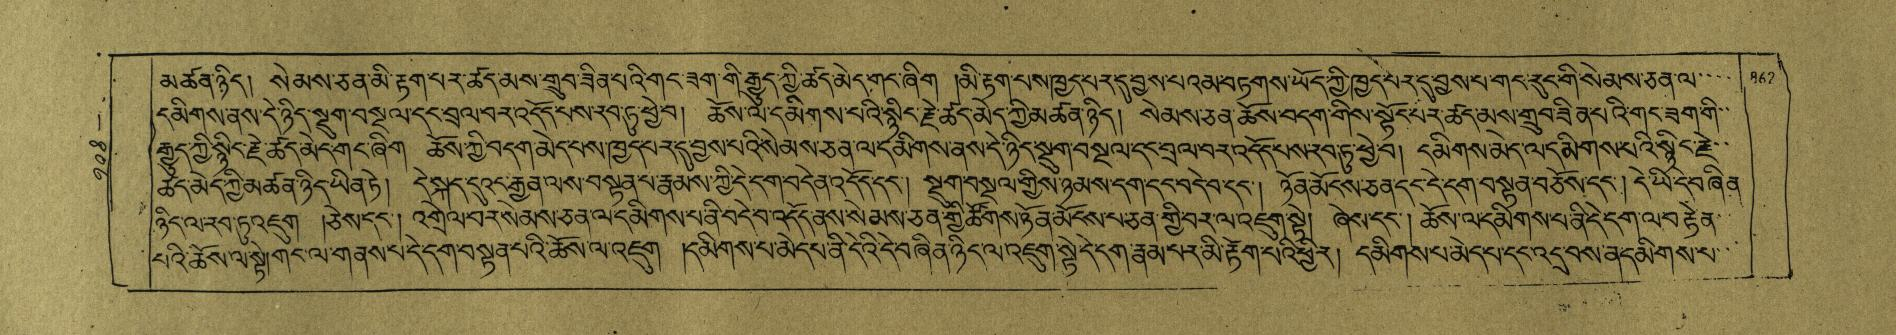མཚན་ཉིད། སེམས་ཅན་མི་རྟག་པར་ཚད་མས་གྲུབ་ཟིན་པའི་གང་ཟག་གི་རྒྱུད་ཀྱི་ཚད་མེད་གང་ཞིག །མི་རྟག་པས་ཁྱད་པར་དུ་བྱས་པའམ་བཏགས་ཡོད་ཀྱི་ཁྱད་པར་དུ་བྱས་པ་གང་རུང་གི་སེམས་ཅན་ལ་
དམིགས་ནས་དེ་ཉིད་སྡུག་བསྔལ་དང་བྲལ་བར་འདོད་པས་རབ་ཏུ་ཕྱེ་བ། ཆོས་ལ་དམིགས་པའི་སྙིང་རྗེ་ཚད་མེད་ཀྱི་མཚན་ཉིད། སེམས་ཅན་ཆོས་བདག་གིས་སྟོང་པར་ཚད་མས་གྲུབ་ཟིན་པའི་གང་ཟག་གི་
རྒྱུད་ཀྱི་སྙིང་རྗེ་ཚད་མེད་གང་ཞིག་ཆོས་ཀྱི་བདག་མེད་པས་ཁྱད་པར་དུ་བྱས་པའི་སེམས་ཅན་ལ་དམིགས་ནས་དེ་ཉིད་སྡུག་བསྔལ་དང་བྲལ་བར་འདོད་པས་རབ་ཏུ་ཕྱེ་བ། དམིགས་མེད་ལ་དམིགས་པའི་སྙིང་རྗེ་
ཚད་མེད་ཀྱི་མཚན་ཉིད་ཡིན་ཏེ། དེ་སྐད་དུའང་རྒྱན་ལས་བསྟན་པ་རྣམས་ཀྱི་དེ་དག་བདེན་འདོད་དང་། སྡུག་བསྔལ་གྱིས་ཉམས་དག་དང་བདེ་བ་དང་། ཉོན་མོངས་ཅན་དང་དེ་དག་བསྟན་བཅོས་དང་། དེ་ཡི་དེ་བཞིན་
ཉིད་ལ་རབ་ཏུ་འཇུག །ཅེས་དང་། འགྲེལ་བར་སེམས་ཅན་ལ་དམིགས་པ་ནི་བདེ་བ་འདོད་ནས་སེམས་ཅན་གྱི་ཚོགས་ཉོན་མོངས་པ་ཅན་གྱི་བར་ལ་འཇུག་སྟེ། ཞེས་དང་། ཆོས་ལ་དམིགས་པ་ནི་དེ་དག་ལ་བརྟེན་
པའི་ཆོས་ལ་སྟེ། གང་ལ་གནས་པ་དེ་དག་བསྟན་པའི་ཆོས་ལ་འཇུག །དམིགས་པ་མེད་པ་ནི་དེའི་དེ་བཞིན་ཉིད་ལ་འཇུག་སྟེ་དེ་དག་རྣམ་པར་མི་རྟོག་པའི་ཕྱིར། དམིགས་པ་མེད་པ་དང་འདྲ་བས་ན་དམིགས་པ་